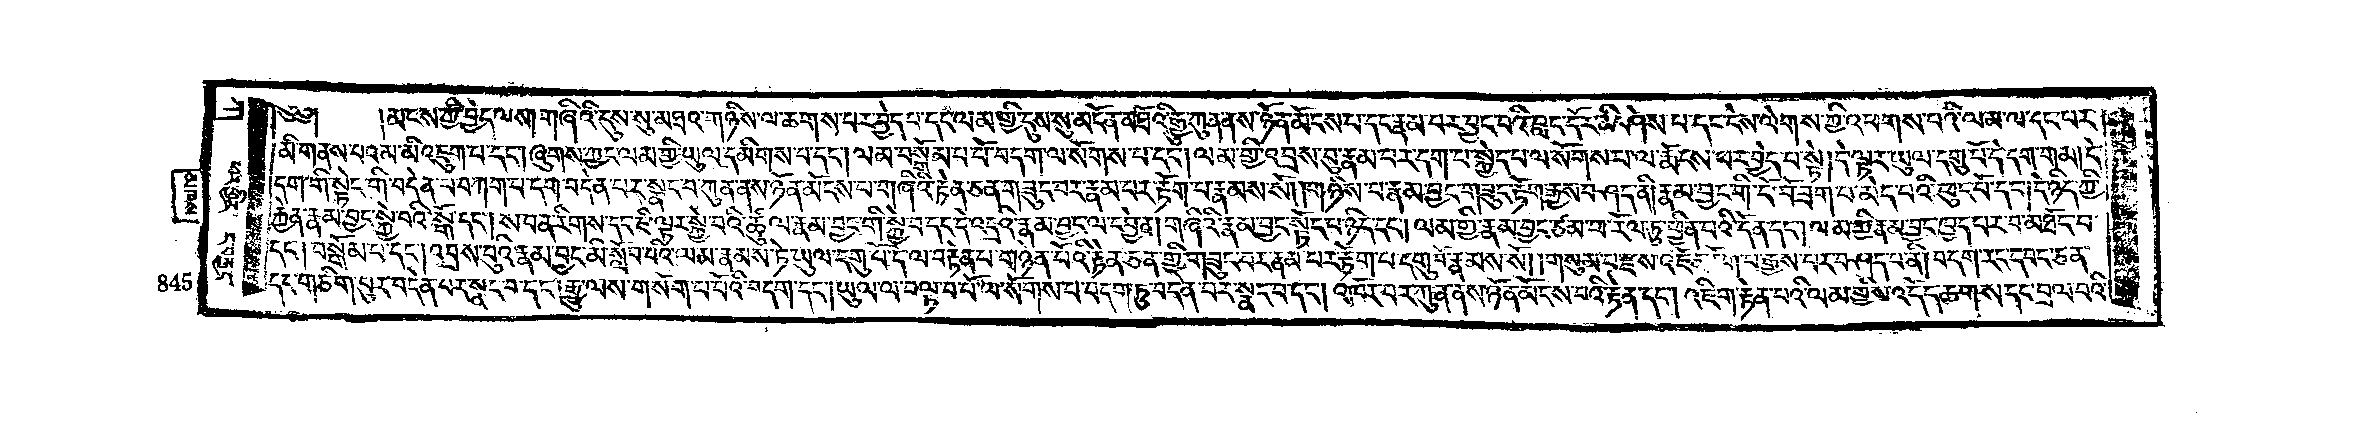༄༅། །མོངས་ཀྱི་བྱེད་ལས། གཞིའི་དུས་སུ་མཐའ་གཉིས་ལ་ཆགས་པར་བྱེད་པ་དང་ལམ་གྱི་དུས་སུ་མངོན་མཐོའི་རྒྱུ་ཀུན་ནས་ཉོན་མོངས་པ་དང་རྣམ་པར་བྱང་བའི་བླང་དོར་མི་ཤེས་པ་དང་ངེས་ལེགས་ཀྱི་འཕགས་པའི་ལམ་ལ་དང་པོར་
མི་གནས་པའམ་མི་འཇུག་པ་དང་། ཞུགས་ཀྱང་ལམ་གྱི་ཡུལ་དམིགས་པ་དང་ལམ་བསྒོམ་པ་པོ་བདག་ལ་སོགས་པ་དང་། ལམ་གྱི་འབྲས་བུ་རྣམ་པར་དག་པ་སྐྱེད་པ་ལ་སོགས་པ་ལ་རྨོངས་པར་བྱེད་པ་སྟེ། དེ་ལྟར་ཡུལ་དགུ་པོ་དེ་དག་གམ། དེ་
དག་གི་སྟེང་གི་བདེན་པ་བཀག་པ་དག་བདེན་པར་སྣང་བ་ཀུན་ནས་ཉོན་མོངས་པ་གཞིའི་རྟེན་ཅན་གཟུང་བར་རྣམ་པར་རྟོག་པ་རྣམས་སོ། །གཉིས་པ་རྣམ་བྱང་གཟུང་རྟོག་རྒྱས་བཤད་ནི། རྣམ་བྱང་གི་ངོ་བོ་ཟག་པ་མེད་པའི་ཕུང་པོ་དང་། དེ་ཉིད་ཀྱི་
རྐྱེན་རྣམ་བྱང་སྐྱེ་བའི་སྒོ་དང་། ས་བོན་རིགས་དང་ཇི་ལྟར་སྐྱེ་བའི་ཚུལ་རྣམ་བྱང་གི་སྐྱེ་བ་དང་དེ་འདྲའི་རྣམ་བྱང་ལ་དབྱེ་ན། གཞིའི་རྣམ་བྱང་སྟོང་པ་ཉིད་དང་། ལམ་གྱི་རྣམ་བྱང་ཙམ་ཕ་རོལ་ཏུ་ཕྱིན་པའི་དོན་དང་། ལམ་གྱི་རྣམ་བྱང་ཁྱད་པར་བ་མཐོང་བ་
དང་། བསྒོམ་པ་དང་། འབྲས་བུའི་རྣམ་བྱང་མི་སློབ་པའི་ལམ་རྣམས་ཏེ་ཡུལ་དགུ་པོ་དེ་ལ་བརྟེན་པ་གཉེན་པོའི་རྟེན་ཅན་གྱི་གཟུང་བར་རྣམ་པར་རྟོག་པ་དགུ་པོ་རྣམས་སོ། །གསུམ་པ་རྫས་འཛིན་རྟོག་པ་རྒྱས་པར་བཤད་པ་ནི། བདག་རང་དབང་ཅན་
དང་གཅིག་པུར་བདེན་པར་སྣང་བ་དང་། རྒྱུ་ལས་གསོག་པ་པོའི་བདག་དང་། ཡུལ་ལ་བལྟ་བ་པོ་ལ་སོགས་པ་བདག་ཏུ་བདེན་པར་སྣང་བ་དང་། འཁོར་བར་ཀུན་ནས་ཉོན་མོངས་པའི་རྟེན་དང་། འཇིག་རྟེན་པའི་ལམ་གྱིས་འདོད་ཆགས་དང་བྲལ་བའི་